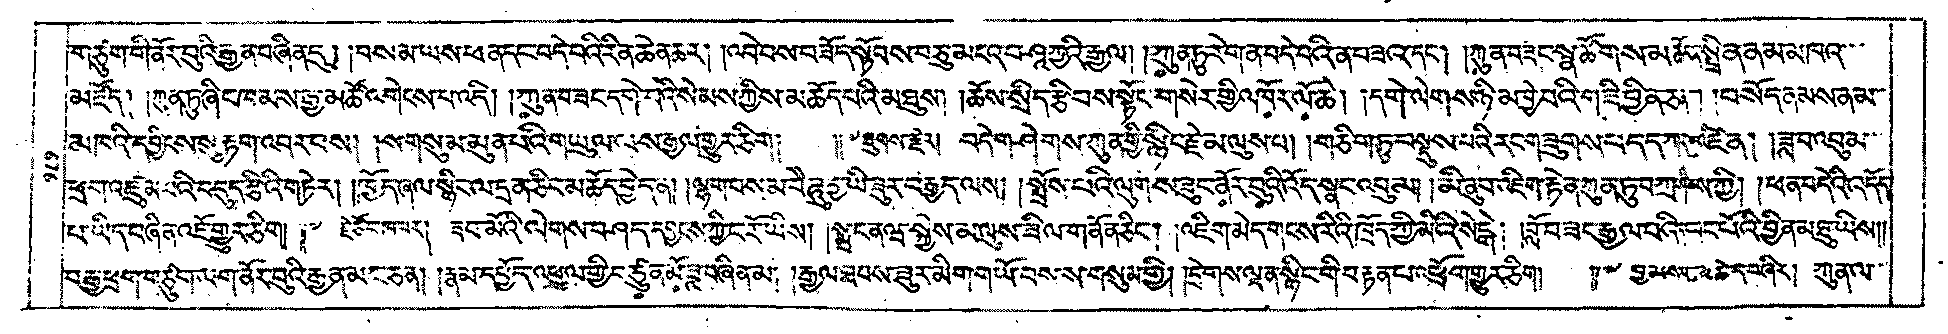གཙུག་གི་ནོར་བུའི་རྒྱན་བཞིན་དུ། །བསམ་ཡས་ཕན་དང་བདེ་བའི་རིན་ཆེན་ཆར། །འབེབས་བཟོད་སྟོབས་བཅུ་མངའ་བ་ཤཱཀྱའི་རྒྱལ། །ཀུན྾་ཏུ་རེག་ན་བདེ་བའི་ན་བཟའ་དང་། །ཀུན྾་བཟང་སྣ་ཚོགས་མཆོད་སྤྲིན་ནམ་མཁའ་
མཛོད། །ཀུན྾་ཏུ་ཞིང་ཁམས་རྒྱ་མཚོ་འགེངས་པ་འདི། །ཀུན྾་བཟང་དགེ་བའི་སེམས་ཀྱིས་མཆོད་པའི་མཐུས། །ཆོས་སྲིད་རྩིབས་སྟོང་གསེར་གྱི་འཁོར྾་ལོ྾་ཆེ། །དགེ་ལེགས་ཉི་མ་བྱེ་བའི་གཟི་བྱིན་ཅན། །བསོད་ནམས་ནམ་
མཁའི་དབྱིངས་སུ་རྟག་འབར་བས། །ས་གསུམ་མུན་པའི་གཡུལ་ལས་རྒྱལ་གྱུར་ཅིག ། །།༧་ཐུགས་རྗེར།  བདེ་གཤེགས་ཀུན་གྱི་སྙིང་རྗེ་མ་ལུས་པ། །གཅིག་ཏུ་བསྡུས་པའི་རང་གཟུགས་པད་དཀར་འཛིན། །ཟླ་བ་འབུམ་
ཕྲག་འཛུམ་པའི་བདུད་རྩིའི་གཏེར། །ཁྱོད་ཞལ་སྙིང་ལ་དྲན་ཅིང་མཆོད་བྱེད་ན། །ལྷག་བསམ་བཻཌཱུ་རྱ་ཡི་ཟུར་བརྒྱད་ལས། །སྤྲོས་པའི་ལུགས་ཟུང་ནོར྾་བུའི྾་འོད་སྣང་འབུམ། །མི་ནུབ་འཇིག་རྟེན་ཀུན་ཏུ་བཀྲ་ཤིས་ཀྱི། །ཕན་བདེའི་འདོད་
པ་ཡིད་བཞིན་འཇོ་གྱུར་ཅིག ། །།༧་རྗེ་ཙོང་ཁ་པར།  ཟབ་མོའི་ལེགས་བཤད་དབྱངས་ཀྱི་ང་རོ་ཡིས། །སྨྲ་ངན་ཝ་སྐྱེས་མ་ལུས་ཟིལ་གནོན་ཅིང་། །འཇིག་མེད་གངས་རིའི་ཁྲོད་ཀྱི་མིའི་སེངྒེ། །བློ་བཟང་རྒྱལ་བའི་དབང་པོའི་བྱིན་མཐུ་ཡིས། །
བརྒྱ་ཕྲག་གཙུག་ལག་ནོར་བུའི་རྒྱན་མང་ཅན། །རྣམ་དཔྱོད་འཕྲུལ་གྱི་བཙུན྾་མོ྾་ཟླ་བཞིན་མ། །རྒྱལ་ཐབས་ཟུར་མིག་གཡོ་བས་ས་གསུམ་གྱི། །དྲེགས་ལྡན་སྙིང་གི་བརྟན་པ་འཕྲོག་གྱུར་ཅིག ། །།༧་བྱམས་པ་མཆེད་བཞིར།  ཀུན་ལ་